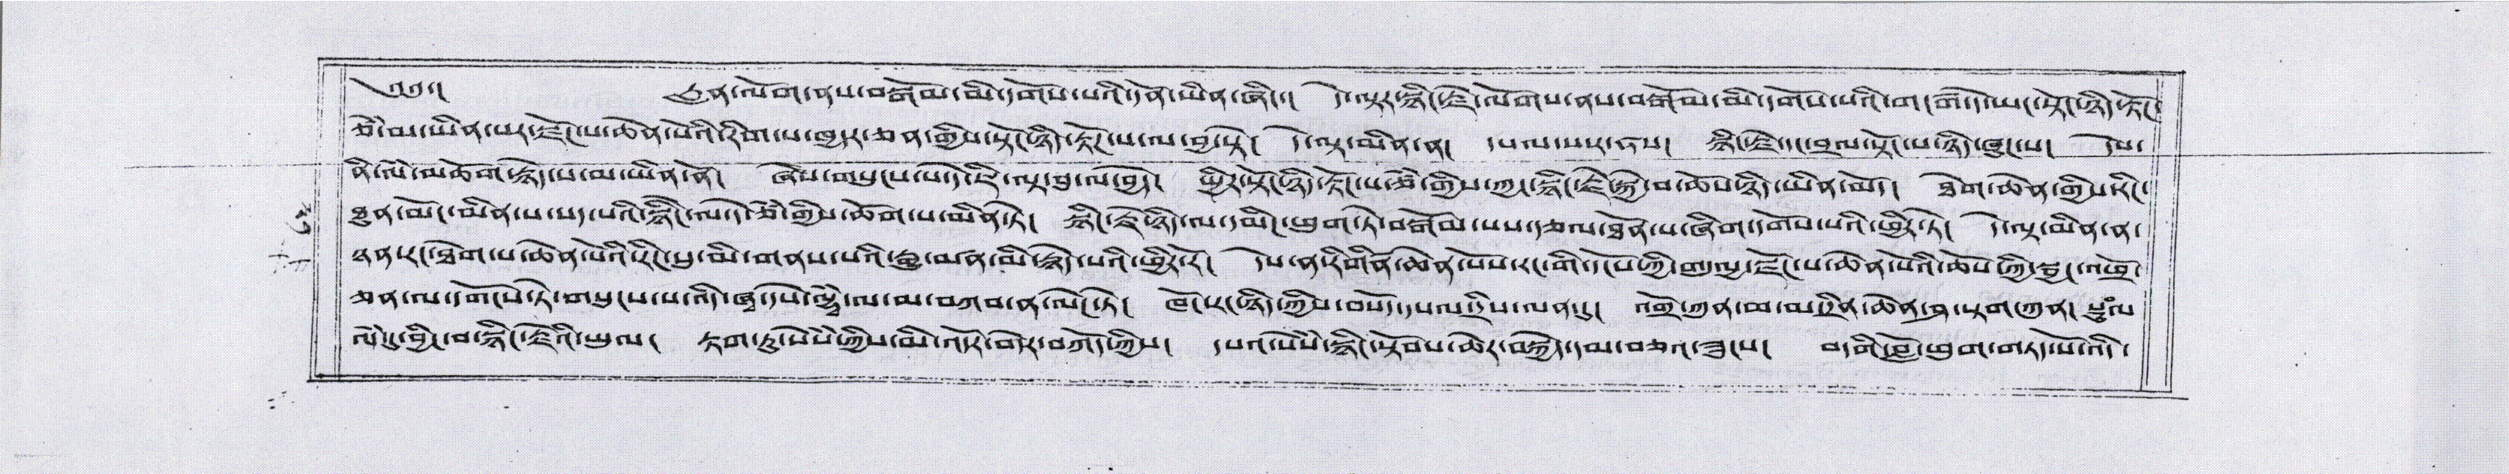རླན་ལོག་ནས་བསྒོམ་མི་དགོས་པའི་དོན་ཡིན་ཞིང། དེ་ལྟར་སྙིང་རྗེ་ལོགས་ནས་བསྒོམ་མི་དགོས་པའི་གང་ཟག་དེ་ཡང་སྟོང་ཉིད་རྟོགས་
ཙམ་མ་ཡིན་པར་རྫོགས་པ་ཆེན་པོའི་རིག་པ་ཁྱད་པར་ཅན་གྱིས་སྟོང་ཉིད་རྟོགས་པ་ལ་བྱ་སྟེ། དེ་ལྟ་མིན་ན། དཔལ་ས་ར་ཧས། སྙིང་རྗེ་དང་བྲལ་སྟོང་པ་ཉིད་ཞུགས་པ། དཔེ་
ནི་ལམ་མཆོག་རྙེད་པ་མ་ཡིན་ནོ། ཞེས་གསུངས་པ་དེ་ཇི་ལྟ་བུ་ལ་བྱེད། སྤྱིར་སྟོང་ཉིད་རྟོགས་པ་ཙམ་གྱིས་ཀྱང་སྙིང་རྗེ་སྐྱེ་བ་ཆོས་ཉིད་ཡིན་མོད། ཐེག་ཆེན་གྱིས་རིགས་
ཐུན་མོང་མིན་པ་སད་པའི་སྙིང་རྗེ་ལ་དེ་ཙམ་གྱིས་ཆོག་པ་མིན་ཏེ། སྙིང་རྗེ་ཉིད་ལ་དམིགས་ཕུག་ཏེ་བསྒོམ་པས་རྩལ་ཐོན་པ་ཞིག་དགོས་པའི་ཕྱིར་ཏེ། དེ་ལྟ་མིན་ན་
ཉན་རང་ཐེག་པ་ཆེན་པོའི་རིགས་སུ་མི་གནས་པའི་རྒྱུ་མཚན་མི་རྙེད་པའི་ཕྱིར་རོ། དེས་ན་རིག་འཛིན་ཆེན་པོས་རང་གི་དངོས་ཀྱི་གདུལ་བྱ་རྫོགས་པ་ཆེན་པོའི་ཆོས་ཀྱི་སྦྱང་འཕྲོ་
ཅན་ལ་དགོངས་ཏེ་གསུངས་པ་འདི་ཞྭ་དཔེ་ལྷམ་ལ་མ་བཀབ་ན་ལེགས་ཏེ། ཁོང་རང་ཉིད་ཀྱིས་བསོད་དཔལ་དྲིས་ལན་དུ། འགྲོ་ཀུན་ཕ་མ་དྲིན་ཆེན་ཤ་སྟག་ཀུན། སྡུག་བསྔལ་
ལམ་དུ་བྱིང་བ་སྙིང་རྗེའི་ཡུལ། རྟག་ཏུ་སེམས་ཀྱིས་མི་འདོར་བདེར་བཀོད་ཀྱིས། དཔའ་སེམས་སྙིང་སྟོབས་ཆེར་བསྐྱེད་དམ་བཅའ་ཟུངས། བདག་གི་བློ་ཕུག་གཏད་པོ་འདི་